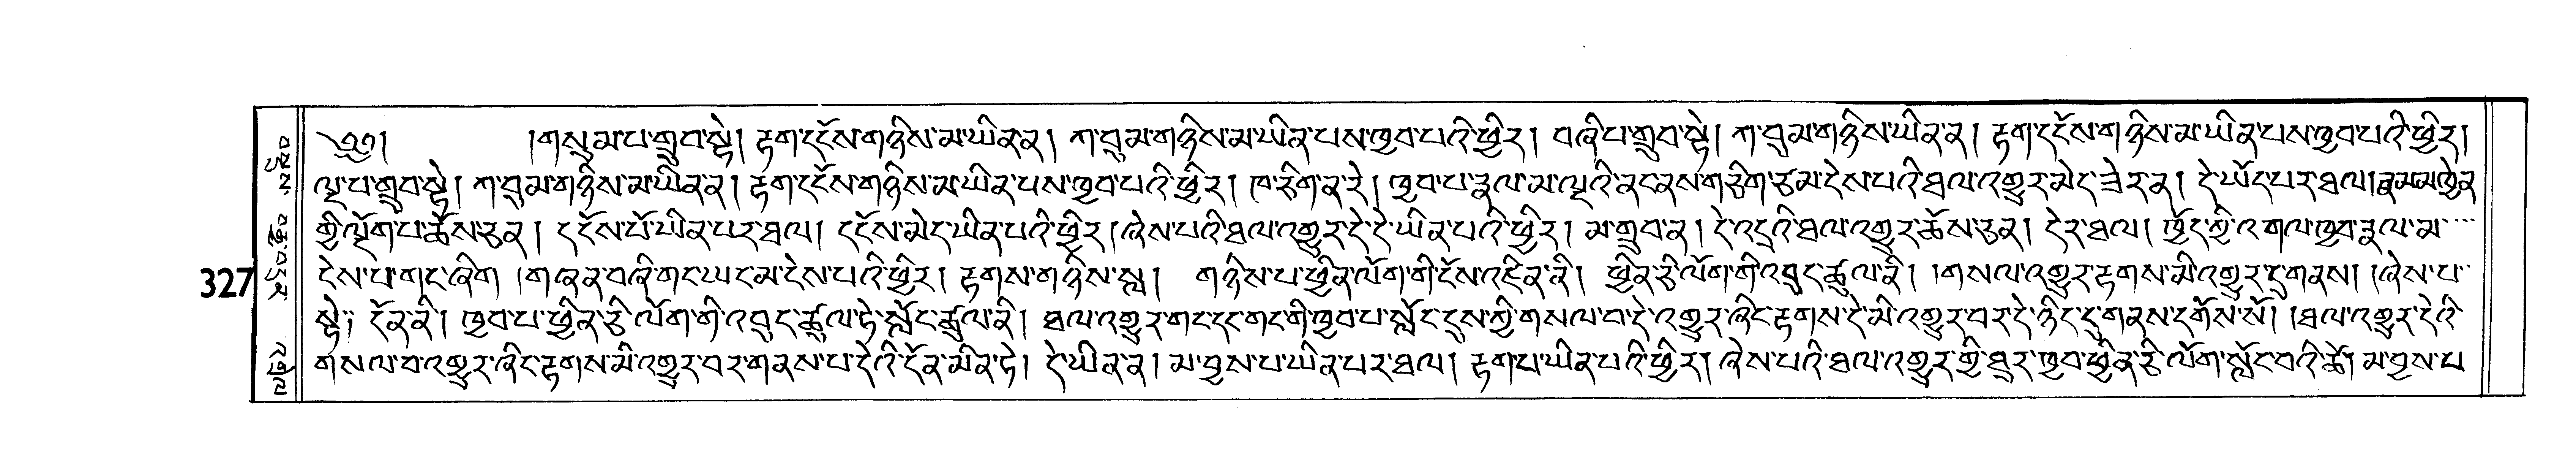༄༅། །གསུམ་པ་གྲུབ་སྟེ། རྟག་དངོས་གཉིས་མ་ཡིན་ན། ཀ་བུམ་གཉིས་མ་ཡིན་པས་ཁྱབ་པའི་ཕྱིར། བཞི་པ་གྲུབ་སྟེ། ཀ་བུམ་གཉིས་ཡིན་ན། རྟག་དངོས་གཉིས་མ་ཡིན་པས་ཁྱབ་པའི་ཕྱིར།
ལྔ་པ་གྲུབ་སྟེ། ཀ་བུམ་གཉིས་མ་ཡིན་ན། རྟག་དངོས་གཉིས་མ་ཡིན་པས་ཁྱབ་པའི་ཕྱིར། ཁ་ཅིག་ན་རེ། ཁྱབ་པ་རྣལ་མ་ལྔའི་ནང་ནས་གཅིག་ཙམ་ངེས་པའི་ཐལ་འགྱུར་མེད་ཟེར་ན། དེ་ཡོད་པར་ཐལ། རྣམ་མཁྱེན་
གྱི་ལྡོག་པ་ཆོས་ཅན། དངོས་པོ་ཡིན་པར་ཐལ། དངོས་མེད་ཡིན་པའི་ཕྱིར། ཞེས་པའི་ཐལ་འགྱུར་དེ་དེ་ཡིན་པའི་ཕྱིར། མ་གྲུབ་ན། དེ་འདྲའི་ཐལ་འགྱུར་ཆོས་ཅན། དེར་ཐལ། ཁྱོད་ཀྱི་འགལ་ཁྱབ་རྣལ་མ་
ངེས་པ་གང་ཞིག །གཞན་བཞི་གང་ཡང་མ་ངེས་པའི་ཕྱིར། རྟགས་གཉིས་སླ། གཉིས་པ་ཕྱིན་ལོག་གི་ངོས་འཛིན་ནི། ཕྱིན་ཅི་ལོག་གི་འབུང་ཚུལ་ནི། །གསལ་འགྱུར་རྟགས་མི་འགྱུར་དུ་གནས། །ཞེས་པ་
སྟེ༑ དོན་ནི། ཁྱབ་པ་ཕྱིན་ཅི་ལོག་གི་འབྱུང་ཚུལ་ཏེ་སློང་ཚུལ་ནི། ཐལ་འགྱུར་གང་དང་གང་གི་ཁྱབ་པ་སློང་དུས་ཀྱི་གསལ་བ་དེ་འགྱུར་ཞིང་རྟགས་དེ་མི་འགྱུར་བར་དེ་ཉིད་དུ་གནས་དགོས་སོ། །ཐལ་འགྱུར་དེའི་
གསལ་བ་འགྱུར་ཞིང་རྟགས་མི་འགྱུར་བར་གནས་པ་དེའི་དོན་མིན་ཏེ། དེ་ཡིན་ན། མ་བྱས་པ་ཡིན་པར་ཐལ། རྟག་པ་ཡིན་པའི་ཕྱིར། ཞེས་པའི་ཐལ་འགྱུར་གྱི་ཐུར་ཁྱབ་ཕྱིན་ཅི་ལོག་སློང་པའི་ཚེ། མ་བྱས་པ་